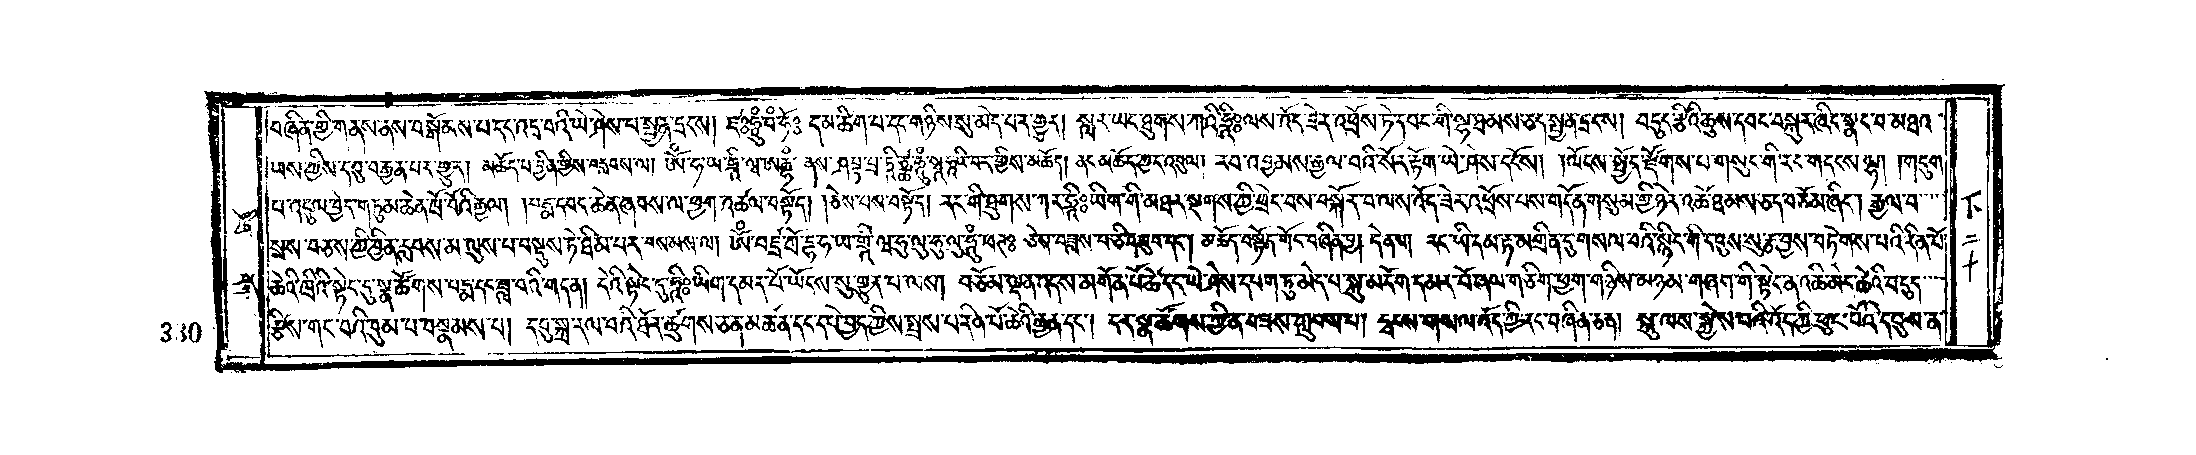༄༅། །མཚན་གྱིས་ཡི་གེར་སྤེལ་བ་དགེ། ༈ །ཨོཾ་སྭ་སྟི། བླ་མ་རྡོ་རྗེ་ཚེ་དཔག་མེད། །ཡི་དམ་རྟ་སྐད་འཚེར་བའི་ལྷ། །དབྱེར་མེད་ཞབས་ལ་གུས་འདུད་ནས། །ཚེ་སྒྲུབ་གདམས་པ་ཉུང་གསལ་འབྲི། །འདིར་མ་གཅིག་གྲུབ་རྒྱལ་ལུགས་ཀྱི་
ཚེ་རྟ་ཟུང་འབྲེལ་ལ་བརྟེན་ནས་ཚེ་བསྒྲུབ་ཚུལ་གྱི་གདམས་པ་ཉམས་སུ་ལེན་པར་འདོད་པས། སྐྱབས་སེམས་སྔོན་དུ་བཏང་ནས། ཨོཾ་སྭ་བྷཱ་ཝ་ཤུདྡྷ་སརྦ་དྷ་རྨཿ སྭ་བྷཱ་ཝ་ཤུདྡྷོཉ་ཧཾ། སྟོང་པ་ཉིད་དུ་གྱུར། སྟོང་པའི་ངང་ལས་པཾ་ལས་པདམ་དང་རཾ་ལས་ཉི་མའི་དཀྱིལ་འཁོར་གྱི་སྟེང་
དུ་རང་སེམས་ཧྲཱིཿ ཡིག་དམར་པོ། དེ་ལས་འོད་ཟེར་འཕྲོས། དོན་གཉིས་བྱས། ཚུར་འདུས་ཡོངས་སུ་གྱུར་པ་ལས་རང་ཉིད་བཅོམ་ལྡན་འདས་དཔལ་རྟ་མགྲིན་པདམ་དབང་ཆེན་སྐུ་མདོག་དམར་པོ་ཞལ་གཅིག་ཕྱག་གཉིས་པ། དམར་ལ་ཟླུམ་པའི་སྤྱན་གསུམ་སྡང་
མིག་གློག་ལྟར་གཡོ་ཞིང་། མཆེ་བ་རྣོན་པོ་བཞི་གཙིགས་པ། དབུ་སྐྲ་དང་སྨ་ར་སྨིན་མ་དམར་སེར་དུས་མཐའི་མེ་ལྟར་འབར་ཞིང་། དབུའི་གཙུག་ན་རྟ་མགོ་ལྗང་ནག་རྟ་སྐད་འཚེར་བ། རྔོག་མའི་གསེབ་ནས་མེ་སྟག་འཕྲོས་པས་སྟོང་གསུམ་མེའི་རྭ་གུར་
གྱིས་འགེངས་ཤིང་བདུད་ཀྱི་དཀྱིལ་འཁོར་སྲེག་པར་བྱེད་པ། གཡས་དབྱུག་ཏོ་འཕྱར་ཞིང་། གཡོན་སྡིགས་མཛུབ་མཛད་པ། སྤྲུལ་དང་རུས་པའི་རྒྱན་སྣ་ཚོགས་ཀྱིས་བརྒྱན་པ། གར་དགུའི་ཉམས་དང་ལྡན་ཞིང་སྟག་གི་པགས་པ་རློན་པའི་ཤམ་ཐབས་
ཅན། གཡས་བསྐུམ་ཞིང་གཡོན་བརྐྱང་བའི་སྟབས་ཀྱིས་ཡེ་ཤེས་ཀྱི་མེ་དཔུང་རབ་ཏུ་འབར་བའི་དབུས་ན་བཞུགས་པའི་སྤྱི་བོར་ཨོཾ། མགྲིན་པར་ཨཱཿ ཐུགས་ཀར་ཧྲཱིཿ ལ་ཧཱུཾ་གིས་མཚན་པར་གྱུར། རང་གི་ཐུགས་ཀའི་ཧྲཱིཿ ལས་འོད་ཟེར་འཕྲོས། རང་